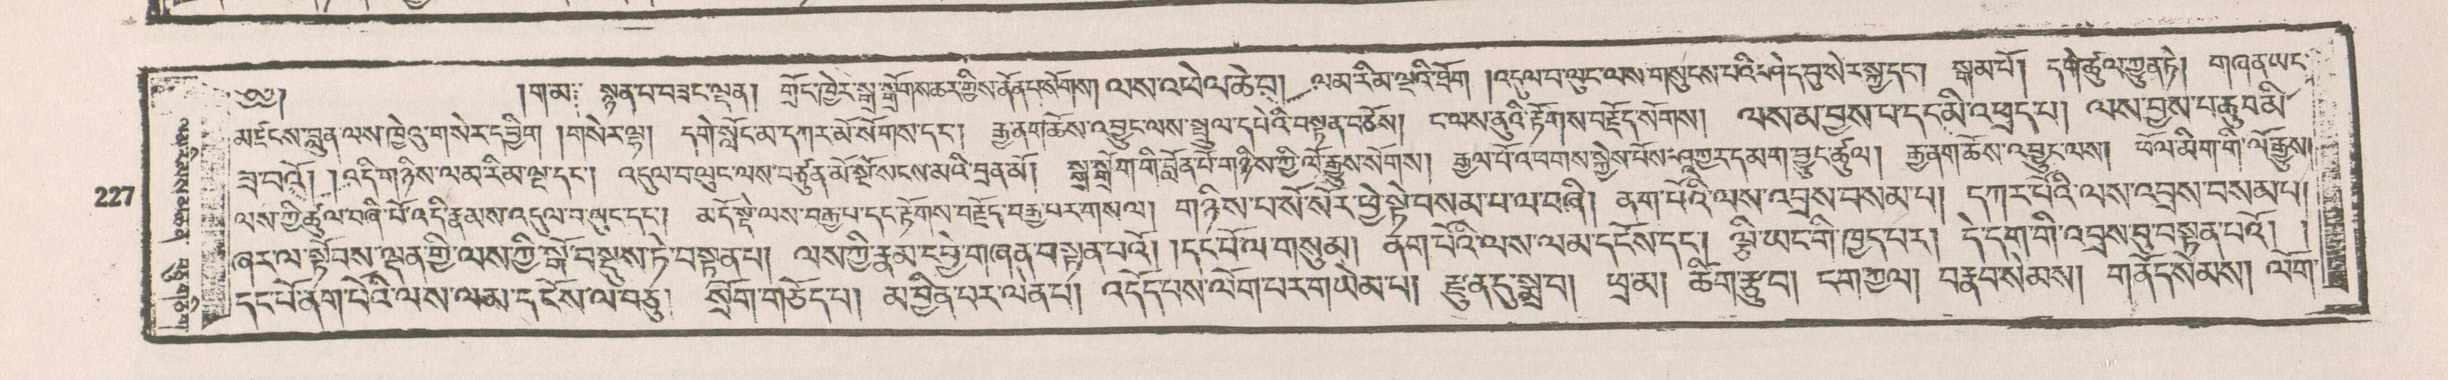༄༅། ། ག་མ༑ སྙན་པ་བཟང་ལྡན། གྲོང་ཁྱེར་སྒྲ་སྒྲོགས་ཆར་གྱིས་ནོན་པ་སོགས།  ལས་འཕེལ་ཆེ་བ། ལམ་རིམ་ལྔའི་ཐོག །འདུལ་བ་ལུང་ལས་གསུངས་པའི་ཤེད་བུ་སེར་སྐྱ་དང་། སྒམ་པོ། དགེ་ཚུལ་ཀྱུན་ཏེ། གཞན་ཡང
མཛངས་བླུན་ལས་ཁྱེའུ་གསེར་དབྱིག །སེར་ལྷ། དགེ་སློང་མ་དཀར་མོ་སོགས་དང་། རྒྱ་ནག་ཆོས་འབྱུང་ལས་སྤྲུལ་དཔེའི་བསྟན་བཅོས། ང་ལས་ནུའི་རྟོགས་བརྗོད་སོགས།  ལས་མ་བྱས་པ་དང་མི་འཕྲད་པ། ལས་བྱས་པ་ཆུད་མི་
ཟ་བའོ། ། འདི་གཉིས་ལམ་རིམ་ལྔ་དང་། འདུལ་བ་ལུང་ལས་བཙུན་མོ་སྔོ་སངས་མའི་བྲན་མོ། སྒྲ་སྒྲོག་གི་བློན་པོ་གཉིས་ཀྱི་ལོ་རྒྱུས་སོགས། རྒྱལ་པོ་འཕགས་སྐྱེས་པོས་ཤཱཀྱར་དམག་བྱུང་ཚུལ། རྒྱ་ནག་ཆོས་འབྱུང་ལས། ཕོལ་མིག་གི་ལོ་རྒྱུས།
ལས་ཀྱི་ཚུལ་བཞི་པོ་འདི་རྣམས་འདུལ་བ་ལུང་དང་། མདོ་སྡེ་ལས་བརྒྱ་པ་དང་རྟོགས་བརྗོད་བརྒྱ་པར་གསལ།  གཉིས་པ་སོ་སོར་ཕྱེ་སྟེ་བསམ་པ་ལ་བཞི། ནག་པོའི་ལས་འབྲས་བསམ་པ། དཀར་པོའི་ལས་འབྲས་བསམ་པ།
ཞར་ལ་སྟོབས་ལྡན་གྱི་ལས་ཀྱི་སྒོ་བསྡུས་ཏེ་བསྟན་པ། ལས་ཀྱི་རྣམ་དབྱེ་གཞན་བསྟན་པའོ། །དང་པོ་ལ་གསུམ། ནག་པོའི་ལས་ལམ་དངོས་དང་། ལྕི་ཡང་གི་ཁྱད་པར། དེ་དག་གི་འབྲས་བུ་བསྟན་པའོ། །
དང་པོ་ནག་པོའི་ལས་ལམ་དངོས་ལ་བཅུ། སྲོག་གཅོད་པ། མ་བྱིན་པར་ལེན་པ། འདོད་པས་ལོག་པར་གཡེམ་པ། རྫུན་དུ་སྨྲ་བ། ཕྲ་མ། ཚིག་རྩུབ། ངག་ཀྱལ། བརྣབ་སེམས། གནོད་སེམས། ལོག་